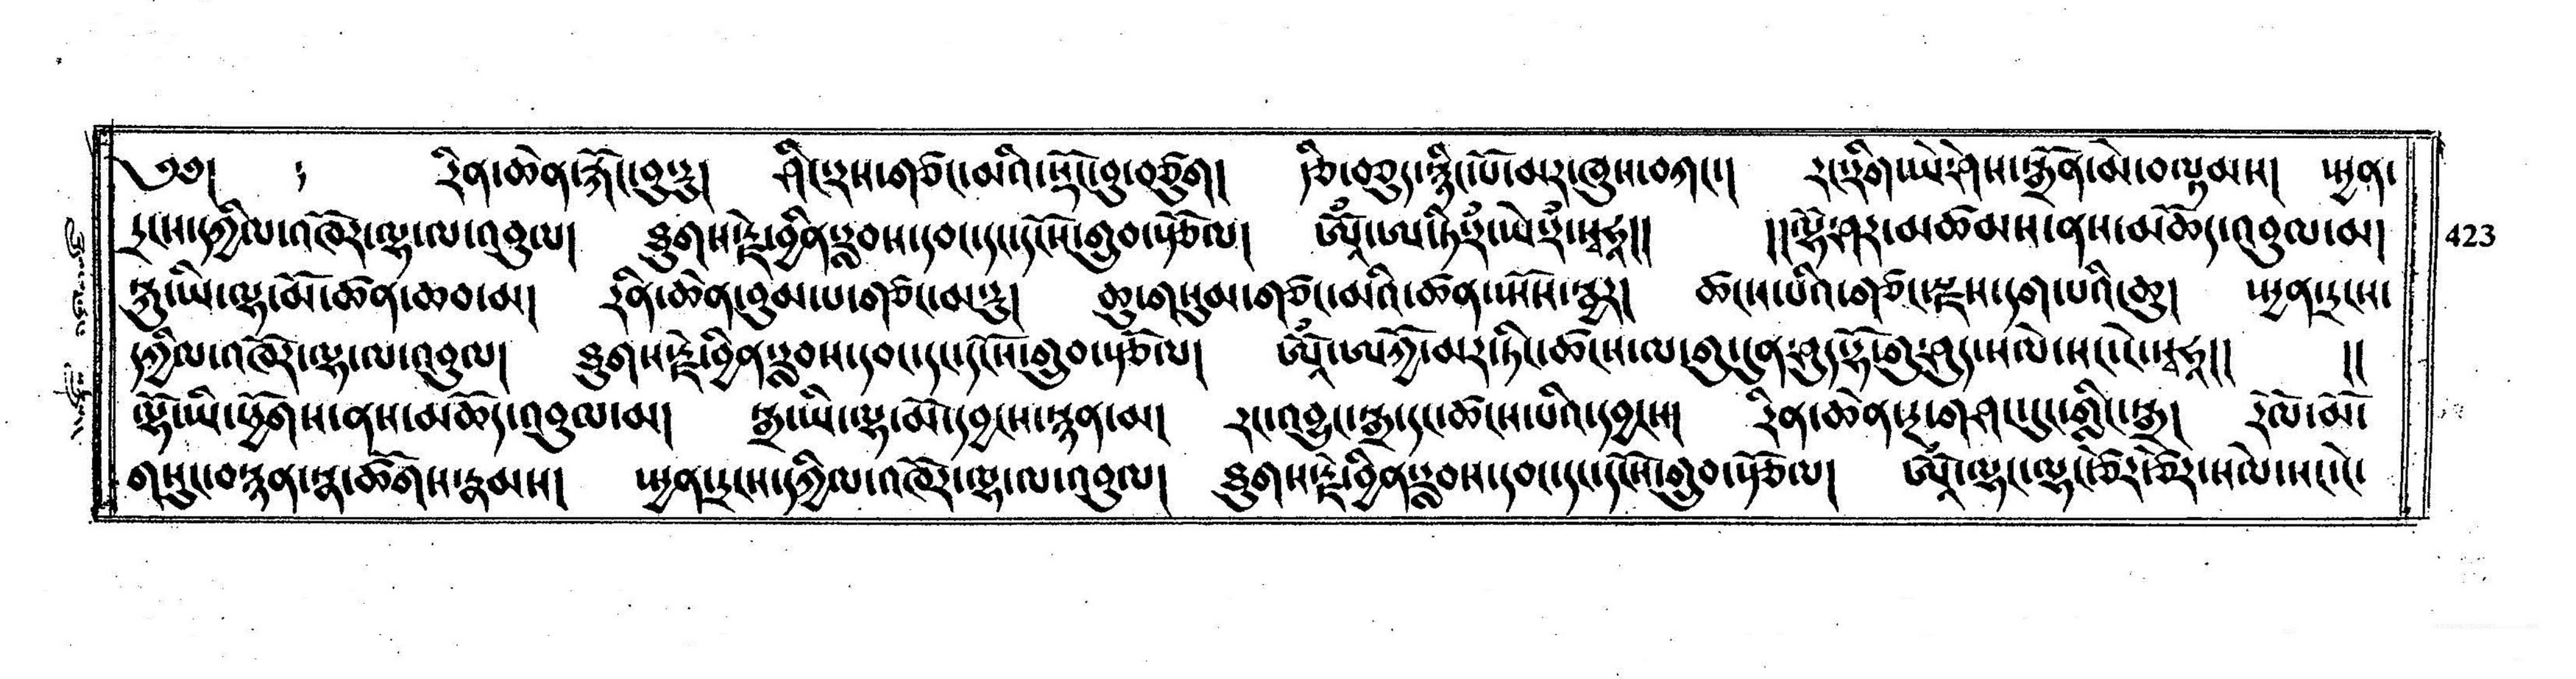རིན་ཆེན་རྐོང་བུ་རུ། ཤིང་རས་གཙང་མའི་སྡོང་བུ་བཙུག རྩི་བཅུད་སྙིང་པོ་མར་ཁུས་བཀང་། རང་རིག་ཡེ་ཤེས་སྒྲོན་མེ་བལྟམས། སྤྱན་
དྲངས་དཀྱིལ་འཁོར་ལྷ་ལ་འབུལ། ཐུགས་རྗེ་བྱིན་རླབས་དབང་དང་དངོས་གྲུབ་སྩོལ། ཨཱོཾ་ཨ་ཏི་རཾ་ཡེ་རཾ་སྭཧཱ།། །།ལྷོ་ཤར་མཚམས་ནས་མཆོད་འབུལ་མ། 
སྐུ་ཡི་ལྷ་མོ་ཚན་ཆབ་མ། རིན་ཆེན་བུམ་པ་གཙང་མ་རུ། ཆུ་གསུམ་གཙང་མའི་ཚན་སྤོས་སྦྱར། ཚངས་པའི་གཙང་རྫས་དག་པའི་ཆུ། སྤྱན་དྲངས་
དཀྱིལ་འཁོར་ལྷ་ལ་འབུལ། ཐུགས་རྗེ་བྱིན་རླབས་དབང་དང་དངོས་གྲུབ་སྩོལ། ཨཱོཾ་ཨཀྱོ་མར་ཏིང་ཚངས་ལ་གུ་དུན་ཤུད་དྷོ་གུ་ཤུད་སལེ་སང་ངེ་སྭཧཱ།། །།
ལྷོ་ཡི་ཕྱོགས་ནས་མཆོད་འབུལ་མ། སྒྲ་ཡི་ལྷ་མོ་དབྱངས་སྙན་མ། རང་འབྱུང་སྒྲ་དང་ཚངས་པའི་དབྱངས། རིན་ཆེན་རྔ་གཤང་དུང་གླིང་སྒྲ། རོལ་མོ་
གསུང་བསྙན་སྣ་ཚོགས་རྣམས། སྤྱན་དྲངས་དཀྱིལ་འཁོར་ལྷ་ལ་འབུལ། ཐུགས་རྗེ་{434}བྱིན་རླབས་དབང་དང་དངོས་གྲུབ་སྩོལ། ཨཱོཾ་ལྷང་ལྷང་ཙེར་ཙེར་སལེ་སང་ངེ་